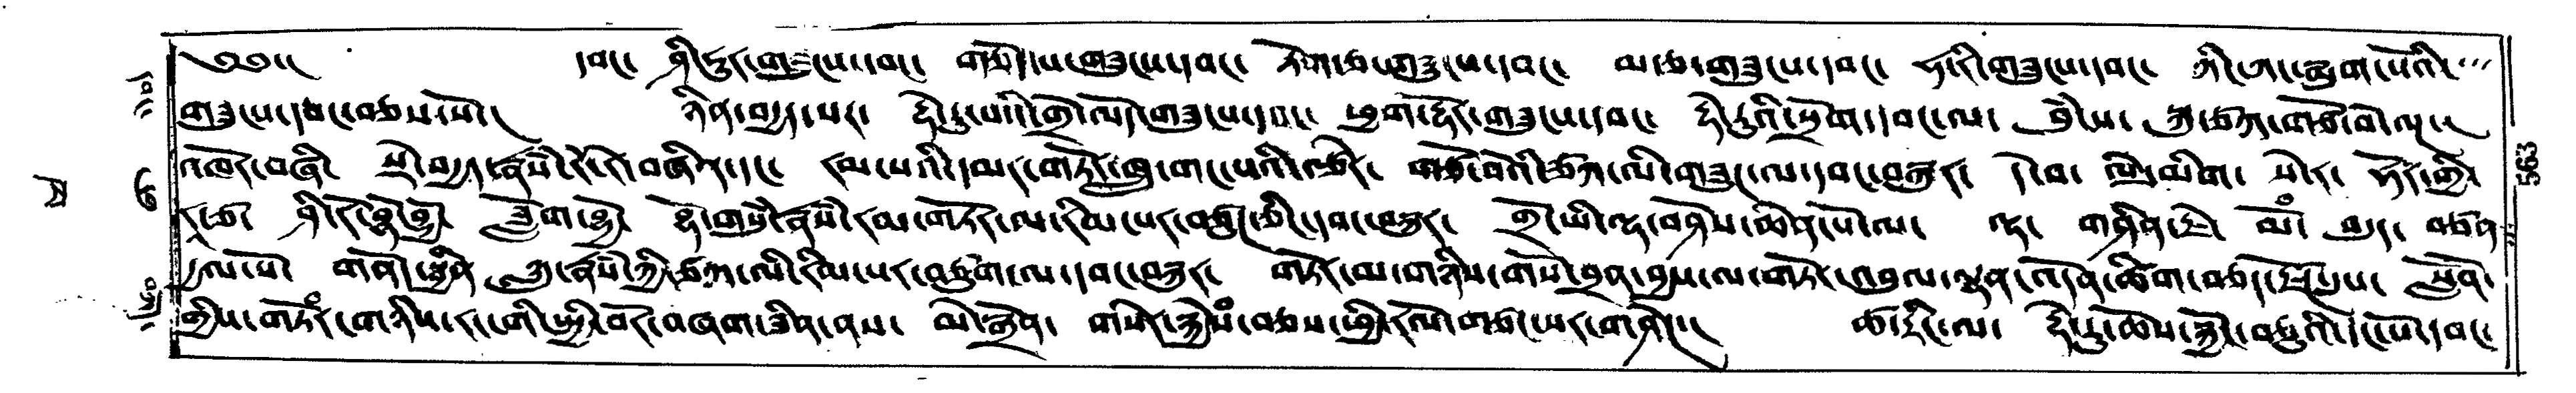དབང་། ཤི་ཧུར་གཟུངས་དབང་། གཅོད་པ་གཟུངས་དབང་། ཏོག་ཙེ་གཟུངས་དབང་། མ་ཅ་གཟུངས་དབང་། ཧ་རི་གཟུངས་དབང་། ཀིང་ཀང་སྨུག་པོའི་
གཟུངས་དབང་བཅས་སོ། ཉིན་བརྒྱད་པར། དྷེ་རུ་པའི་གྲོ་ལོད་གཟུངས་དབང་། ཕྱག་རྡོར་གཟུངས་དབང་། དྷེ་རུའི་སྲོག་དབང་ལ། བུམ་པ། སྐུ་ཙཀ་གཙོ་བོ་ལྔ་
འཁོར་བཞི། སྡེ་བརྒྱད་རྣམས་རེ་རེ་བཞིན་དང་། རམ་པའི་དམར་གཏོར་ཁྲུ་གང་པའི་རྩེར། གཙོ་བོའི་ཙཀ་ལི་གཟུགས་ལ་དབང་བསྐུར། དེ་བ། ལྡེ་མིག སེ་ར། ཧོར་གྱི་
རཱ་ཙ། ཤི་རོ་བྷོ་བྷྱོ། ཟློག་བྷྱོ། བྷོ་གསུམ་རྣམས་རམ་གཏོར་ལ་རིམ་པར་བཙུགས་ཤིང་དབང་བསྐུར། གྲོ་ཡི་ལྷ་བཤོས་ཆེན་པོ་ལ། ལྷ། གཤིན་རྗེ། མ་མོ། བདུད། བཙན་
རྒྱལ་པོ། གནོད་སྦྱིན། ཀླུ་རྣམས་ཀྱི་ཙཀ་ལི་རིམ་པར་བཙུགས་ལ་དབང་བསྐུར། གཏོར་མ་གཉིས་གསོ་བྲན་བྱས་ལ་གཏོར་འབུལ་ལྷན་འདོན་ཚིགས་བཅད་རྫོགས་དུས། སློབ་དཔོན་
གྱིས་གཏོར་མ་གཉིས་རང་གི་སྤྱི་བོར་བཞག་ཟིན་ནས།མེ་སྒྲོན། གསེར་སྐྱེམས་བཅས་ཕྱི་རོལ་གཙང་སར་གཤེགས། ཚ་རྟིང་ལ། དྷེ་རུ་ཆོས་སྐྱོང་བཅུའི་དང་པོ་དབང་